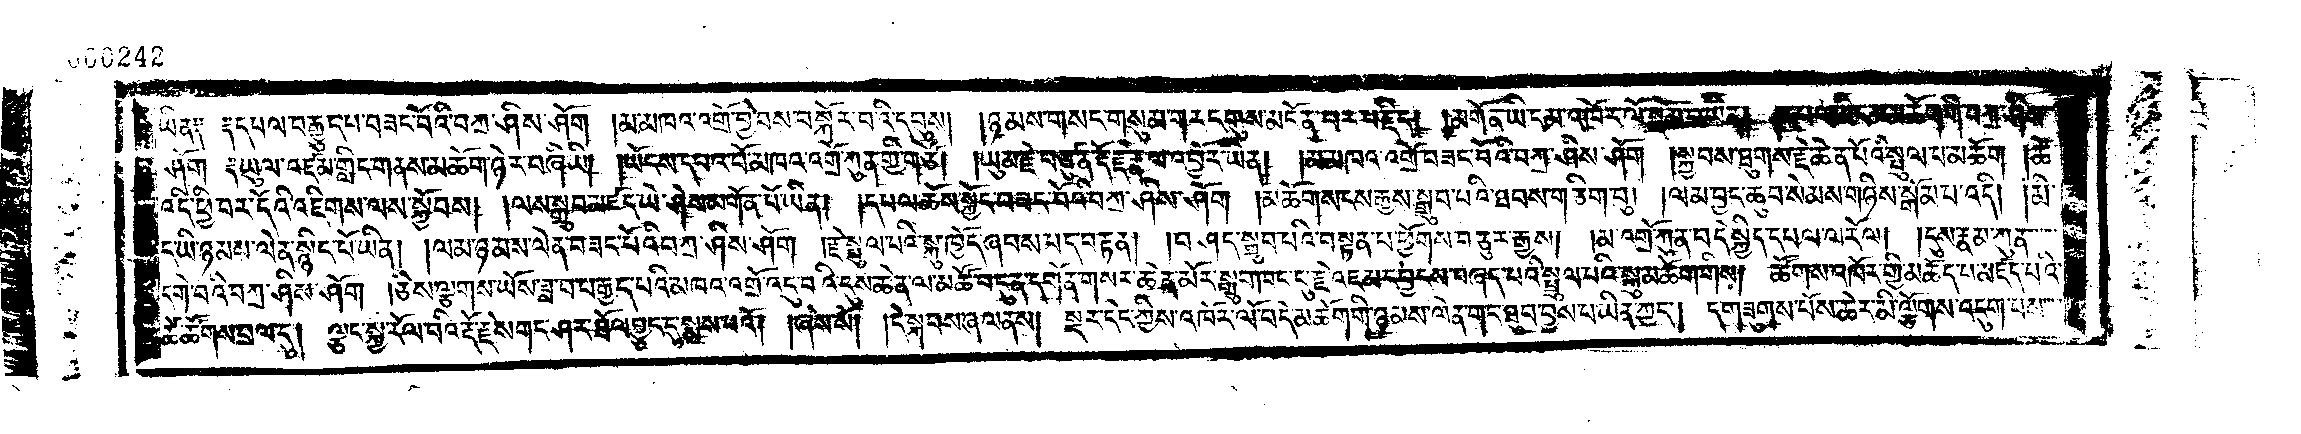ཡིན༑ ༑དཔལ་བརྒྱུད་པ་བཟང་པོའི་བཀྲ་ཤིས་ཤོག །མ་མཁའ་འགྲོ་བྱེ་བས་བསྐོར་བའི་དབུས། །ཉམས་གསང་གསུམ་གར་དགུས་མངོན་པར་བརྗིད། །མགོན་ཡི་དམ་འཁོར་ལོ་སྡོམ་པ་ཡིན། །དཔལ་ཡི་དམ་མཆོག་གི་བཀྲ་ཤིས་
ཤོག ༑ཡུལ་འཛམ་གླིང་གནས་མཆོག་ཉེར་བཞི་ཡི། །ཡོངས་དཔའ་པོ་མཁའ་འགྲོ་ཀུན་གྱི་གཙོ། །ཡུམ་རྗེ་བཙུན་རྡོ་རྗེ་རྣལ་འབྱོར་ཡིན། །མ་མཁའ་འགྲོ་བཟང་པོའི་བཀྲ་ཤིས་ཤོག །སྐྱབས་ཐུགས་རྗེ་ཆེན་པོའི་སྤྲུལ་པ་མཆོག །ཚེ་
འདི་ཕྱི་བར་དོའི་འཇིགས་ལས་སྐྱོབས། །ལས་སྒྲུབ་མཛད་ཡེ་ཤེས་མགོན་པོ་ཡིན། །དཔལ་ཆོས་སྐྱོད་བཟང་པོའི་བཀྲ་ཤིས་ཤོག །མཆོག་སངས་རྒྱས་སྒྲུབ་པའི་ཐབས་གཅིག་པུ། །ལམ་བྱང་ཆུབ་སེམས་གཉིས་སྒོམ་པ་འདི། །མི་
ང་ཡི་ཉམས་ལེན་སྙིང་པོ་ཡིན། །ལམ་ཉམས་ལེན་བཟང་པོའི་བཀྲ་ཤིས་ཤོག །རྗེ་སྤྲུལ་པའི་སྐུ་ཁྱོད་ཞབས་པད་བརྟན། །བཤད་སྒྲུབ་པའི་བསྟན་པ་ཕྱོགས་བཅུར་རྒྱས། །མ་འགྲོ་ཀུན་བདེ་སྐྱིད་དཔལ་ལ་རོལ། །དུས་རྣམ་ཀུན་
དགེ་བའི་བཀྲ་ཤིས་ཤོག །ཅེས་ལྕགས་ཡོས་ཟླ་བ་བརྒྱད་པའི་མཁའ་འགྲོ་འདུ་བའི་དུས་ཆེན་ལ་མཚོ་བདུན་དགོན་གསར་ཆེན་མོར་སྒྲུབ་ཁང་དུ་རྗེ་འཇམ་དབྱངས་བཞད་པའི་སྤྲུལ་པའི་སྐུ་མཆོག་གིས། ཚོགས་འཁོར་གྱི་མཆོད་པ་མཛད་པའི་
ཚེ་ཚོགས་གྲལ་དུ། ལྕང་སྐྱ་རོལ་པའི་རྡོ་རྗེས་གང་ཤར་ཐོལ་བྱུང་དུ་སྨྲས་པའོ། །ཞེས་སོ། །དེ་སྐབས་ཞལ་ནས། སྔར་ངེད་ཀྱིས་འཁོར་ལོ་བདེ་མཆོག་གི་ཉམས་ལེན་གང་ཐུབ་བྱས་པ་ཡིན་ཀྱང་། ད་གཟུགས་པོས་ཆེར་མི་ལྕོགས་འདུག་པས་